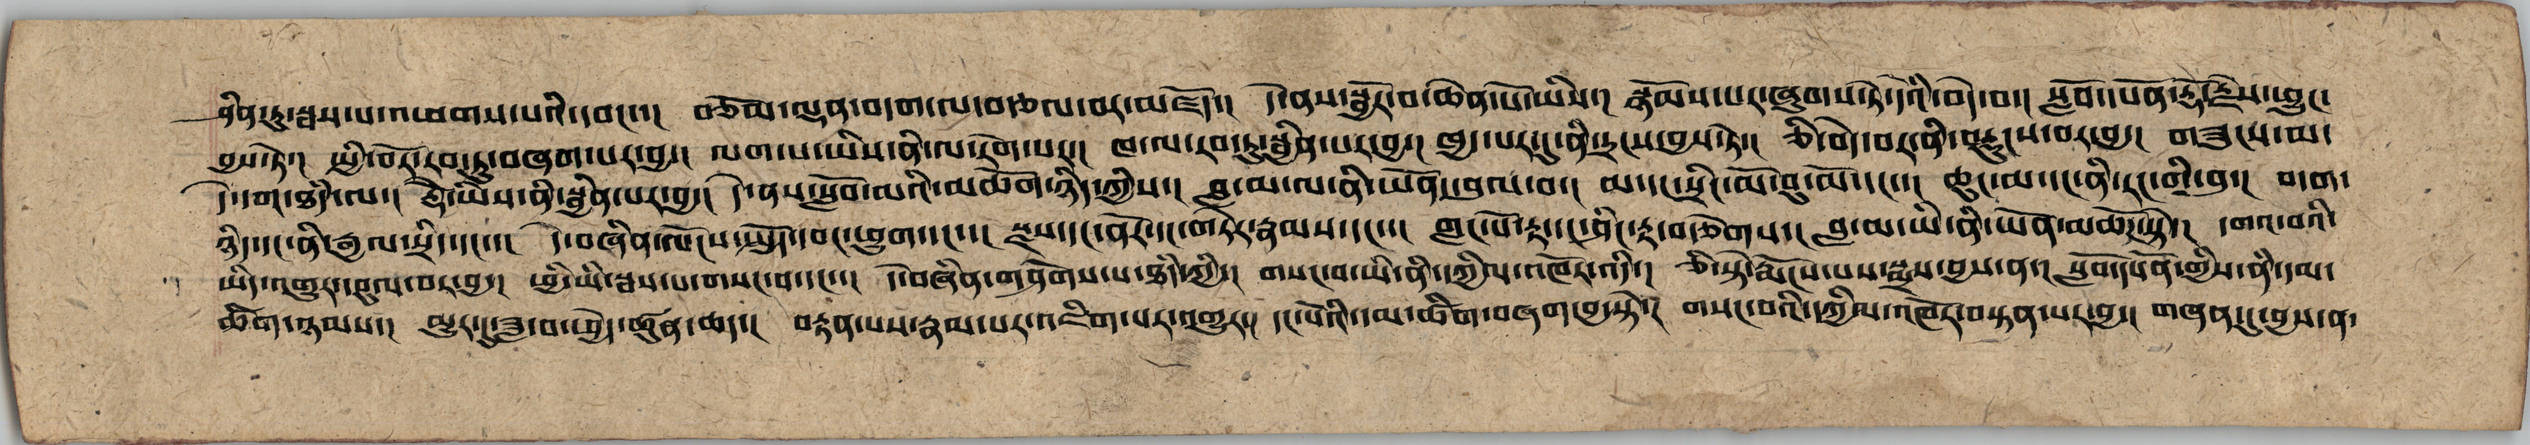ཤིན་ཏུ་སྦས་པ་འཕགས་པའི་དབང་་། བཅོམ་ལྡན་བདག་ལ་བརྩལ་བར་མཛོད་། དེ་ནས་སྦྱོར་བ་ཆེན་པོ་ཡིས་། སྙོམས་པར་ཞུགས་ཏེ་དེའི་བདེ་བ་། སློབ་དཔོན་རྡོ་རྗེས་ཕྱུང་
བྱས་ཏེ་། སྤྱི་བོར་རབ་ཏུ་བཞག་པར་བྱ་། ལག་པ་ཡིས་ནི་ལ་རེག་པར་། ཁ་ལ་རབ་ཏུ་སྦྱིན་པར་བྱ་། ཁྱད་པར་དུ་ནི་དྲངས་བྱས་ཏེ་། ཅི་བདེ་བར་ནི་བརྡུངས་བར་བྱ་། གཟུངས་མ་
དེ་དག་ཐདཾ་ལ་། རྡོེ་ཡིས་ནི་སྦྱིན་པར་བྱ་། དེ་ནས་སློབ་མའི་མཆོག་ཉིད་ཀྱིས་། བླ་མ་ལ་ནི་ཡོན་དབུལ་བ་། མ་དང་སྲིང་མོ་བུ་མོ་དང་་། ཆུང་མ་དང་ནི་རང་གི་བུ་། བདག་
ཉིད་དང་ནི་རྒྱལ་སྲིད་དང་་། དེ་བཞིན་ལོངས་སྤྱོད་དབང་ཕྱུག་དང་་། སྫས་དང་ནོར་དང་གཏེར་རྣམས་དང་་། གླང་པོ་རྟ་དང་ཤིང་རྟ་བརྩེགས་། བླ་མ་ཡི་ནི་ཡོན་མཆོད་སྟེ་། དགའ་བའི་
ཡིད་འགྱུར་དབུལ་བར་བྱ་། ཕྱི་ཡི་སྦས་པ་གསང་བ་དང་་། ད་ེབཞིན་གཤེགས་པ་ཐདཾ་ཀྱི་། གསང་བ་ཡི་ནི་དཀྱིལ་འཁོར་འདི་། ཅི་སྟེ་རྨོངས་པས་སྨྲས་བྱས་ན་། སློབ་དཔོན་གྱིས་ནི་དམ་
ཚིག་ཉམས་། མྱུར་དུ་ཟླ་བ་ཕྱེད་ཚུན་ཆད་། བརྟན་པས་རྣམ་པར་འཇིག་པར་འགྱུར་། དང་པོའི་དམ་ཚིག་བཞག་བྱ་སྟེ་། གསང་བའི་དཀྱིལ་འཁོར་བསྟན་པར་བྱ་། གཞན་དུ་བྱས་ན་